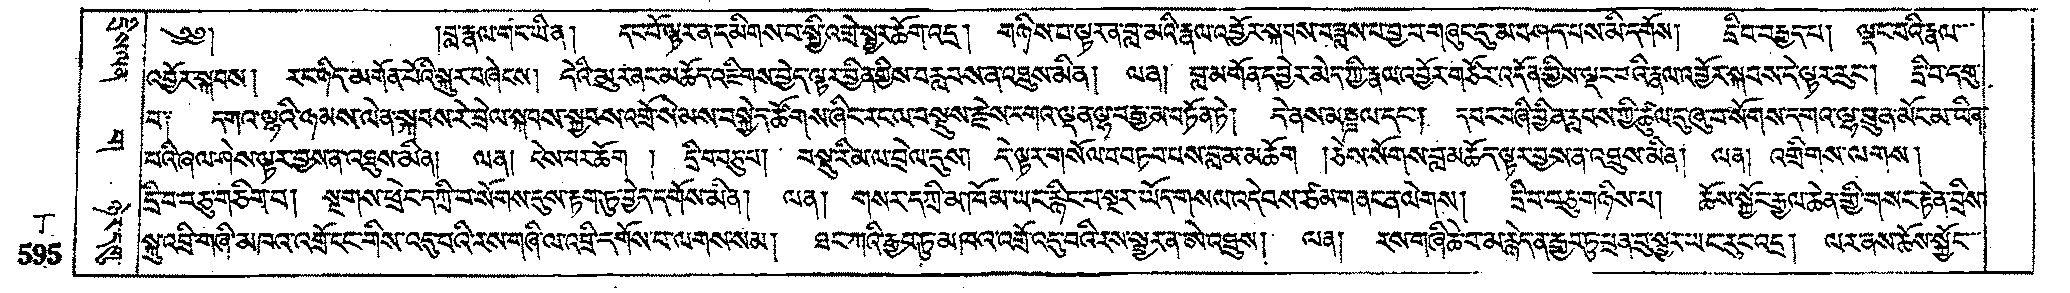༄༅། །བླ་རྣལ་གང་ཡིན། དང་པོ་ལྟར་ན་དམིགས་པ་སྤྱི་འགྲེ་སྦྱར་ཆོག་འདྲ། གཉིས་པ་ལྟར་ན་བླ་མའི་རྣལ་འབྱོར་སྐབས་བཟླས་པ་བྱ་བ་གཞུང་དུ་མ་བཤད་པས་མི་དགོས། དྲི་བ་བརྒྱད་པ། ལྡང་བའི་རྣལ་་་
འབྱོར་སྐབས། རང་ཉིད་མགོན་པོའི་སྐུར་བཞེངས། དེའི་མུར་ནང་མཆོད་འཇིགས་བྱེད་ལྟར་བྱིན་གྱིས་བརླབས་ན་འཐུས་མིན། ལན། བླ་མགོན་དབྱེར་མེད་ཀྱི་རྣལ་འབྱོར་གཙོར་འདོན་གྱིས་ལྡང་བའི་རྣལ་འབྱོར་སྐབས་དེ་ལྟར་རུང་། དྲི་བ་དགུ་
པ༑ དགའ་ལྷའི་ཉམས་ལེན་སྐབས་རེ་བྲེལ་སྐབས་སྐྱབས་འགྲོ་སེམས་བསྐྱེད་ཚོགས་ཞིང་རང་ལ་བསྡུས་རྗེས་དགའ་ལྡན་ལྷ་བརྒྱ་མ་བཏོན་ཏེ། དེ་ནས་མཎྜལ་དང་། དབང་བཞི་བྱིན་རླབས་ཀྱི་ཚུལ་དུ་ཞུ་བ་སོགས་དགའ་ལྷ་ཐུན་མོང་མ་ཡིན་
པའི་ཞལ་ཤེས་ལྟར་བྱས་ན་འཐུས་མིན། ལན། ངེས་པར་ཆོག །དྲི་བ་བཅུ་པ། བསྡུ་རིམ་ལ་བྲེལ་དུས། དེ་ལྟར་གསོལ་བ་བཏབ་པས་བླ་མ་མཆོག །ཅེས་སོགས་བླ་མཆོད་ལྟར་བྱས་ན་འཐུས་མིན། ལན། འགྲིགས་ལགས།
དྲི་བ་བཅུ་གཅིག་པ། སྔགས་ཕྲེང་དཀྲི་བ་སོགས་དུས་རྟག་ཏུ་བྱེད་དགོས་མིན། ལན། གསར་དཀྲི་མ་ཁོམ་ཡང་རྙིང་པ་སྔར་ཡོད་གསལ་འདེབས་ཙམ་གནང་ན་ལེགས། དྲི་བ་བཅུ་གཉིས་པ། ཆོས་སྐྱོང་རྒྱལ་ཆེན་གྱི་གསང་རྟེན་བྲིས་
སྐུ་འབྲི་གཞི་མཁའ་འགྲོ་ངང་གིས་འདུ་བའི་རས་གཞི་ལ་འབྲི་དགོས་པ་ལགས་སམ། ཐང་ཁའི་རྒྱབ་ཏུ་མཁའ་འགྲོ་འདུ་བའི་རས་སྦྱར་ན་ཨེ་འཐུས། ལན། རས་གཞི་ཆེ་བ་མ་རྙེད་ན་རྒྱབ་ཏུ་ཕྲན་བུ་སྦྱར་ཡང་རུང་འདྲ། ལར་ནས་ཆོས་སྐྱོང་་་